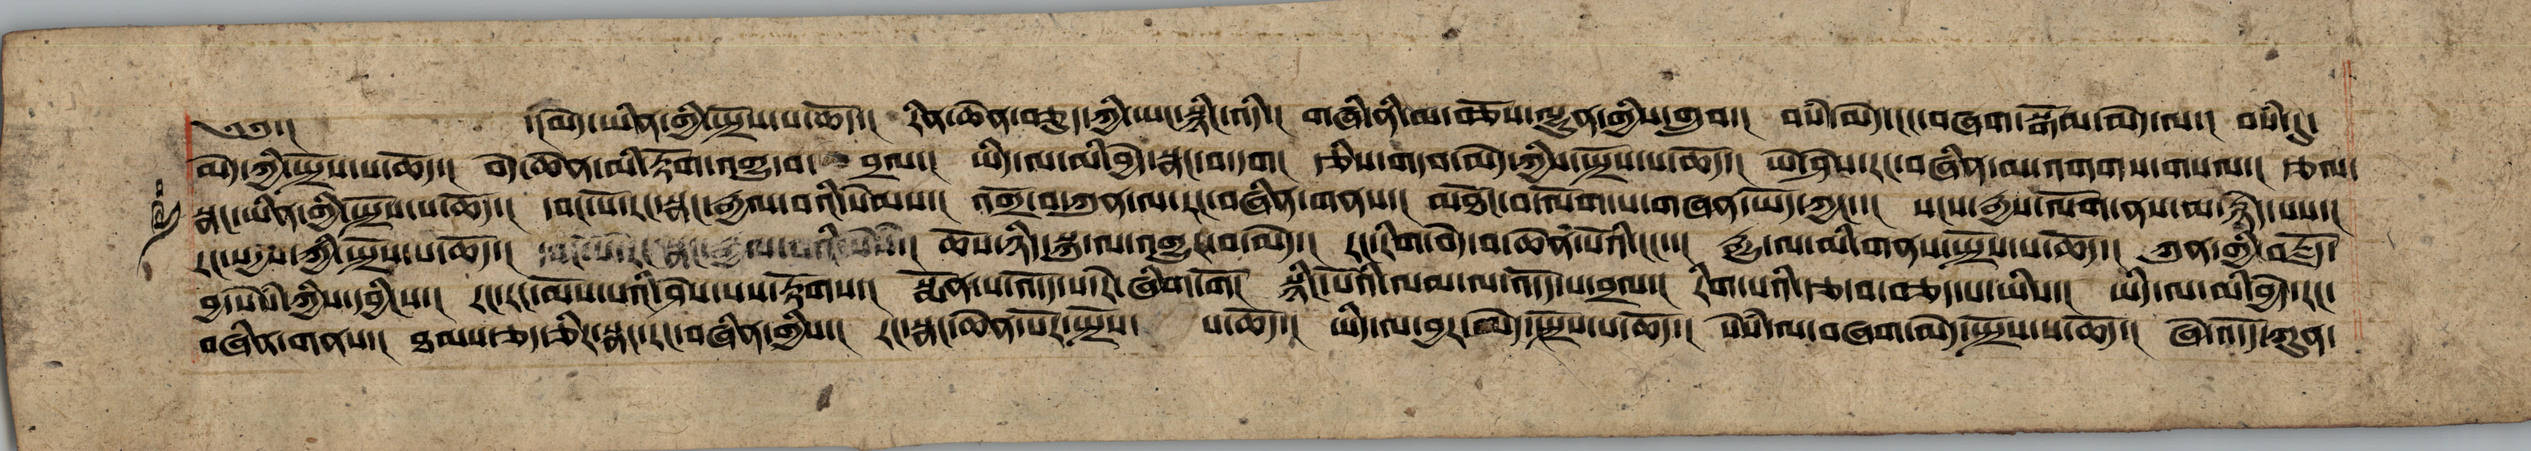༄༅་། ་།མེད་ཡིན་གྱི་སྤྲོས་པ་ཆོད་། རིན་ཆེན་བཅུད་ཀྱི་ཡང་སྙིང་འདི་། གཞི་ནི་མ་བཅོས་ལྷུན་གྱིས་གྲུབ་། བསཾ་མེད་ངང་བཞག་སྒོམ་མེད་ལ་། བསཾ་དུ་
མེད་ཀྱི་སྤྲོས་པ་ཆོད་། བདེ་ཆེན་མི་རྟོག་འགྱུ་བ་བྲལ་། ཡིད་ལ་མི་བྱེད་སྣང་བ་དག། རྩིས་གདབ་མེད་ཀྱིས་སྤྲོས་པ་ཆོད་། ཡེ་ཤེས་རང་བཞིན་མ་འགགས་གསལ་། རྩལ་
སྣང་ཡིན་གྱི་སྤྲོས་པ་ཆོད་། དབང་པོ་རང་སྣང་རྒྱལ་བའི་སེམས་། འགྲོ་བ་ཀུན་ལ་རང་བཞིན་གནས་། མཐོང་བ་ལོག་པ་གཞན་ཡོད་ཀྱང་། སངས་རྒྱས་ལོག་ནས་མ་རྙེད་པས་།
རང་སདྱས་ཀྱི་སྤྲོས་པ་ཆོད་། དབང་པོ་རང་སྣང་རྒྱལ་བའི་སེཾས་། ཆོས་ཉིད་སྐུ་ལ་འགྱུར་བ་མེད་། རང་རིག་བདེ་བ་ཆེན་པོའི་ངང་་། རྒྱུ་ལ་མི་གནས་སྤྲོས་པ་ཆོད་། ཀུན་གྱི་བརྗོད་
བྱ་སེཾས་ཀྱིས་དབྱིངས་། རང་རང་མོས་པའི་ཤེས་པས་རྟོགས་། སྨོན་པ་འདོད་པ་རེ་ཞིག་གོ། སྙིང་པོའི་ལམ་ལ་འདོད་པ་བྲལ་། རིག་པའི་རྩ་བ་བཅད་པ་ཡིས་། ཡིད་ལ་མི་བྱེད་རང་
བཞིན་གནས་། ཐམས་ཅད་ཅིར་སྣང་རང་བཞིན་གྱིས་། རང་སྣང་ཆེན་པོར་སྤྲོས་ པ་ཆོད་། ཡིད་ལ་བྱར་མེད་སྤྲོས་པ་ཆོད་། སེཾས་ལ་བཞག་མེད་སྤྲོས་པ་ཆོད་། ཞེ་འདོད་ཀུན་